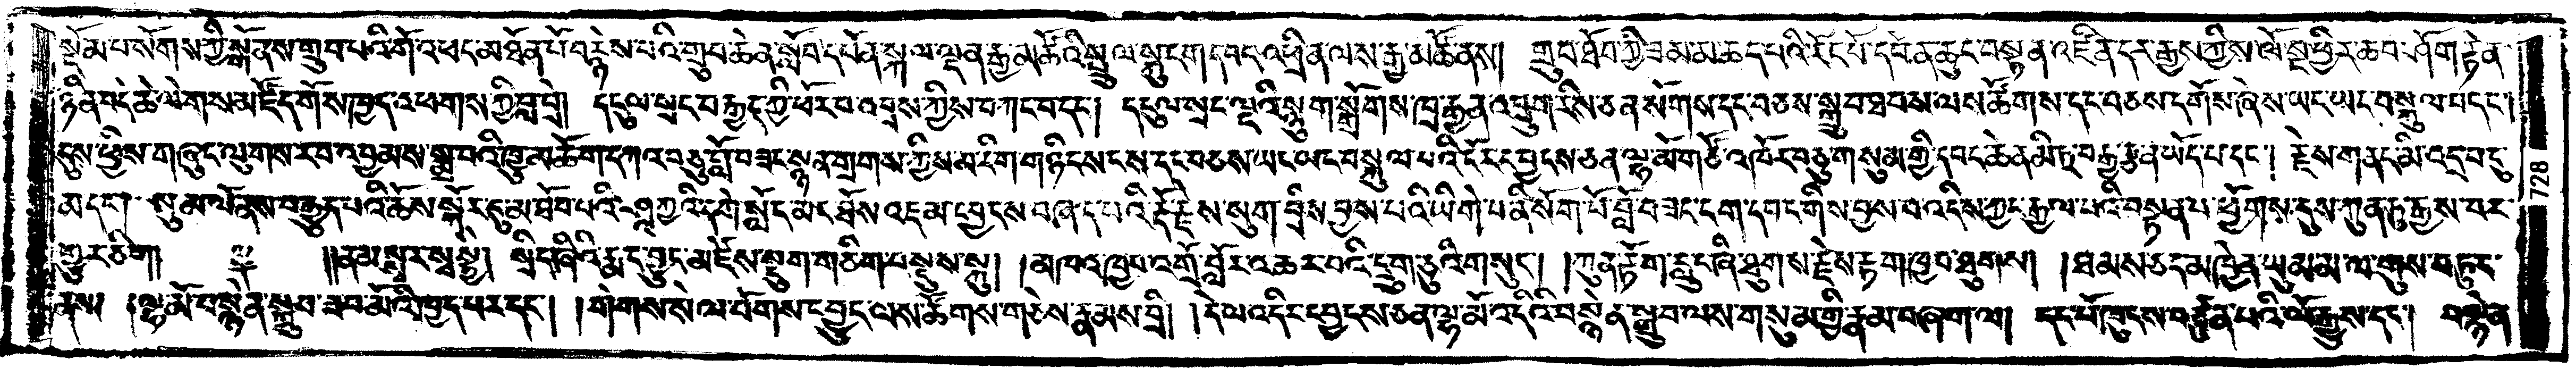སྡོམ་པ་སོགས་ཀྱི་སྒོ་ནས་གྲུབ་པའི་གོ་འཕང་མཐོན་པོ་བརྙེས་པའི་གྲུབ་ཆེན་སློབ་དཔོན་སྐལ་ལྡན་རྒྱ་མཚོའི་སྤྲུལ་སྐུ་ངག་དབང་འཕྲིན་ལས་རྒྱ་མཚོ་དང་། གྲུབ་ཐོབ་ཀྱི་ཟམ་མ་ཆད་པའི་རོང་པོ་བདོན་ཆུང་བསྟན་འཛིན་དར་རྒྱས་ཀྱིས་ལོ་སྡ་ཕྱིར་ཆབ་ཤོག་རྟེན་
ཉིན་བདེ་ཆེ་ལེགས་མཛོད་གོས་ཁྱད་འཕགས་ཀྱི་བླ་བྲེ། དངུལ་སྲང་བརྒྱད་ཀྱི་ཕོར་བ་འབྲས་ཀྱིས་བཀང་བ་དང་། དངུལ་སྲང་ལྔའི་སྙུག་སྒྲོགས་ཁྲ་རྒྱན་འབྲུག་རིས་ཅན་སོགས་དང་བཅས་སྒྲུབ་ཐབས་ལས་ཚོགས་དང་བཅས་དགོས་ཞེས་ཡང་ཡང་བསྐུལ་བ་དང་།
དུས་ཕྱིས་གཞུང་ལུགས་རབ་འབྱམས་སྨྲ་བའི་ཁྱུ་མཆོག་དཀའ་བཅུ་གློ་བཟང་སྙན་གྲགས་ཀྱིས་མ་རིག་གཉིས་སངས་དང་བཅས་ཡང་བསྐུལ་བའི་དོར་དབྱངས་ཅན་ལྷ་མོ་གཙོ་འཁོར་བཅུ་གསུམ་གྱི་དབང་ཆེན་མི་ཏྲ་བརྒྱ་རྩན་ཡོད་པ་དང་། རྗེས་གནང་མི་འདྲ་བ་དུ་
མ་དང་། སུ་མ་ལོ་ནས་བརྒྱུད་པའི་ཆོས་སྐོར་དུ་མ་ཐོབ་པའི་ཤཱཀྱའི་དགེ་སློང་མང་ཐོས་འཇམ་དབྱངས་བཞད་པའི་རྡོ་རྗེས་སུག་བྲིས་བྱས་པའི་ཡི་གེ་པ་ནི་སོག་པོ་བློ་བཟང་དག་དབང་གིས་བྱས་པ་འདིས་ཀྱང་རྒྱལ་པའི་བསྟན་པ་ཕྱོགས་དུས་ཀུན་ཏུ་རྒྱས་པར་
གྱུར་ཅིག། ༈ །།ན་མ་སྶྭ་ར་སྭ་སྟྱཻ། སྲིད་ཞིའི་རྨད་བྱུང་མཛེས་སྡུག་གཅིག་བསྡུས་སྐུ། །མཁའ་ཁྱབ་འགྲོ་བློར་འཆར་བའི་དྲུག་ཅུའི་གསུང་། །ཀུན་རྟོག་རླུང་ཞི་ཐུགས་རྗེས་རྟག་ཁྱབ་ཐུགས། །ཐམས་ཅད་མཁྱེན་ཡུམ་མ་ལ་གུས་བཏུད་
ནས༑ ༑ལྷ་མོ་བསྙེན་སྒྲུབ་ཟབ་མོའི་ཁྱད་པར་དང་། །གེགས་སེལ་བོགས་དབྱུང་ལས་ཚོགས་གཅེས་རྣམས་བྲི། །དེ་ལ་འདིར་དབྱངས་ཅན་ལྷ་མོ་འདིའི་བསྙེན་སྒྲུབ་ལས་གསུམ་གྱི་རྣམ་བཞག་ལ། དང་པོ་ཁུངས་བཙུན་པའི་ལོ་རྒྱུས་དང་། བསྙེན་